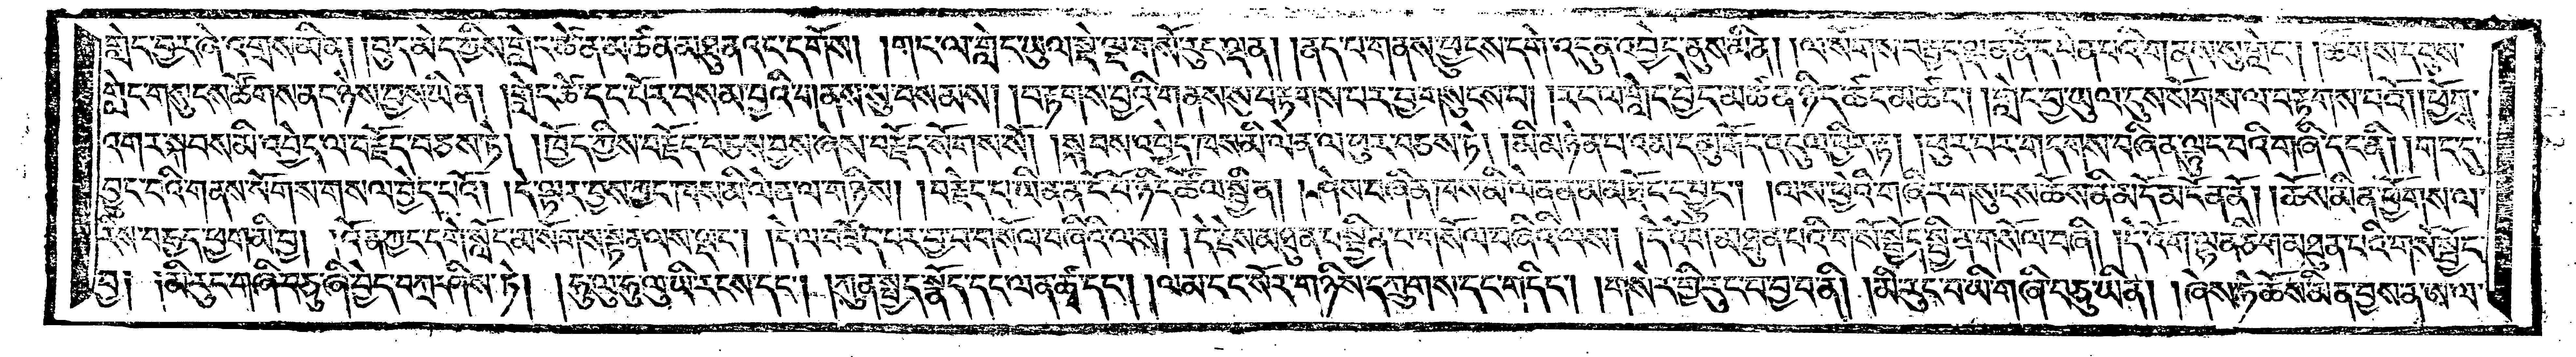གླེང་བྱར་ཞེ་འགྲས་མིན། །བུད་མེད་ཀྱིས་གླེང་ཚེན་མཚན་མཐུན་འང་དགོས། །གང་ལ་གླེང་ཡུལ་སྡེ་ལྔ་གསོ་རུང་ལྡན། །ནད་པ་གནས་ཕྱུངས་དགེ་འདུན་འབྱེད་ནུས་མིན། །ལ་སོགས་བ་བྱད་ལྡན་ནོ་དབེན་པའི་གནས་སུ་གླེང་། །ཚོགས་དབུས་
གླེང་གསུངས་ཚོགས་ནང་ཉེས་བྱས་ཡིན། །གླེང་ཚེ་དང་པོར་བསམ་བྱའི་གནས་སུ་བསམས། །བརྟགས་བྱའི་གནས་སུ་བརྟགས་པར་བྱ་གསུངས་པ། །རང་ལ་གླེང་བྱེད་མཚན་ཉིད་ཚང་མ་ཚང་། །གླེང་བྱ་ཡུལ་དུས་སོགས་ལ་བརྟགས་པའོ། །ཕྱོགས་
འགར་སྐབས་མ་འབྱེད་ལ་བརྗོད་བཅས་ཏེ། །ཁྱོད་ཀྱིས་བརྗོད་བཅས་བྱས་ཞེས་བརྗོད་སོགས་སོ། །སྐབས་འབྱེད་ཁས་མི་ལེན་ལ་ཕྱར་བཅས་ཏེ། །མི་མཉེན་པའམ་དམུ་རྒོད་འདུལ་ཕྱིར་རྟ། །ཕུར་པར་གདགས་བཞིན་ལྟུར་བའི་གཞི་དང་ནི། །གང་དུ་
བྱུང་བའི་གནས་སོགས་གསལ་བྱེད་པའོ། །དེ་ལྟར་བྱས་ཀྱང་ཁས་མི་ལེན་ལ་གཉིས། །བརྗེད་པ་ཡིན་ན་ངོ་བོ་ཉིད་ཚོལ་སྦྱིན། །ཞེས་བཞིན་ཁས་མི་ལེན་ན་མ་མཐོང་བ་བྱུང་། །ལས་ཕྱེའི་གཞིར་གསུངས་ཆོས་ནི་མདོ་མངོན་ནོ། །ཆོས་མིན་ཕྱོགས་ལ་
རིས་བརྒྱད་ཕྱག་མི་བྱ། །འོན་ཀྱང་དགེ་སློང་མ་སོགས་སྟན་ལས་ལྡང་། །དེ་ལ་བཟོད་པར་བྱ་བ་གསོལ་བཞིའི་ལས། །དེ་རྗེས་མཐུན་པ་སྦྱིན་པ་གསོལ་བཞིའི་ལས། །དེ་འོག་མཐུན་པའི་གསོ་སྤྱོད་སྦྱིན་གསོལ་བཞི། །དེ་འོག་ལྷན་ཅིག་མཐུན་པའི་གསོ་སྦྱོང་
བྱ། ༑མི་རུང་གཞི་བཅུ་ཞི་བྱེད་བཀྲ་ཤིས་ཏེ། །ཧུ་ལུ་ཧུ་ལུ་ཡི་རང་ས་དང་། །ཀུན་སྤྱད་སྣོད་དང་ལན་ཚྭ་དང་། །ལམ་དང་སོར་གཉིས་དཀྲུགས་དང་གདིང་། །གསེར་གྱི་རུང་བ་བྱ་བ་ནི། །མི་རུང་བ་ཡི་གཞི་བཅུ་ཡིན། །ཞེས་ཏེ་ཆོས་མིན་བྱས་ན་ཨ་ལ་